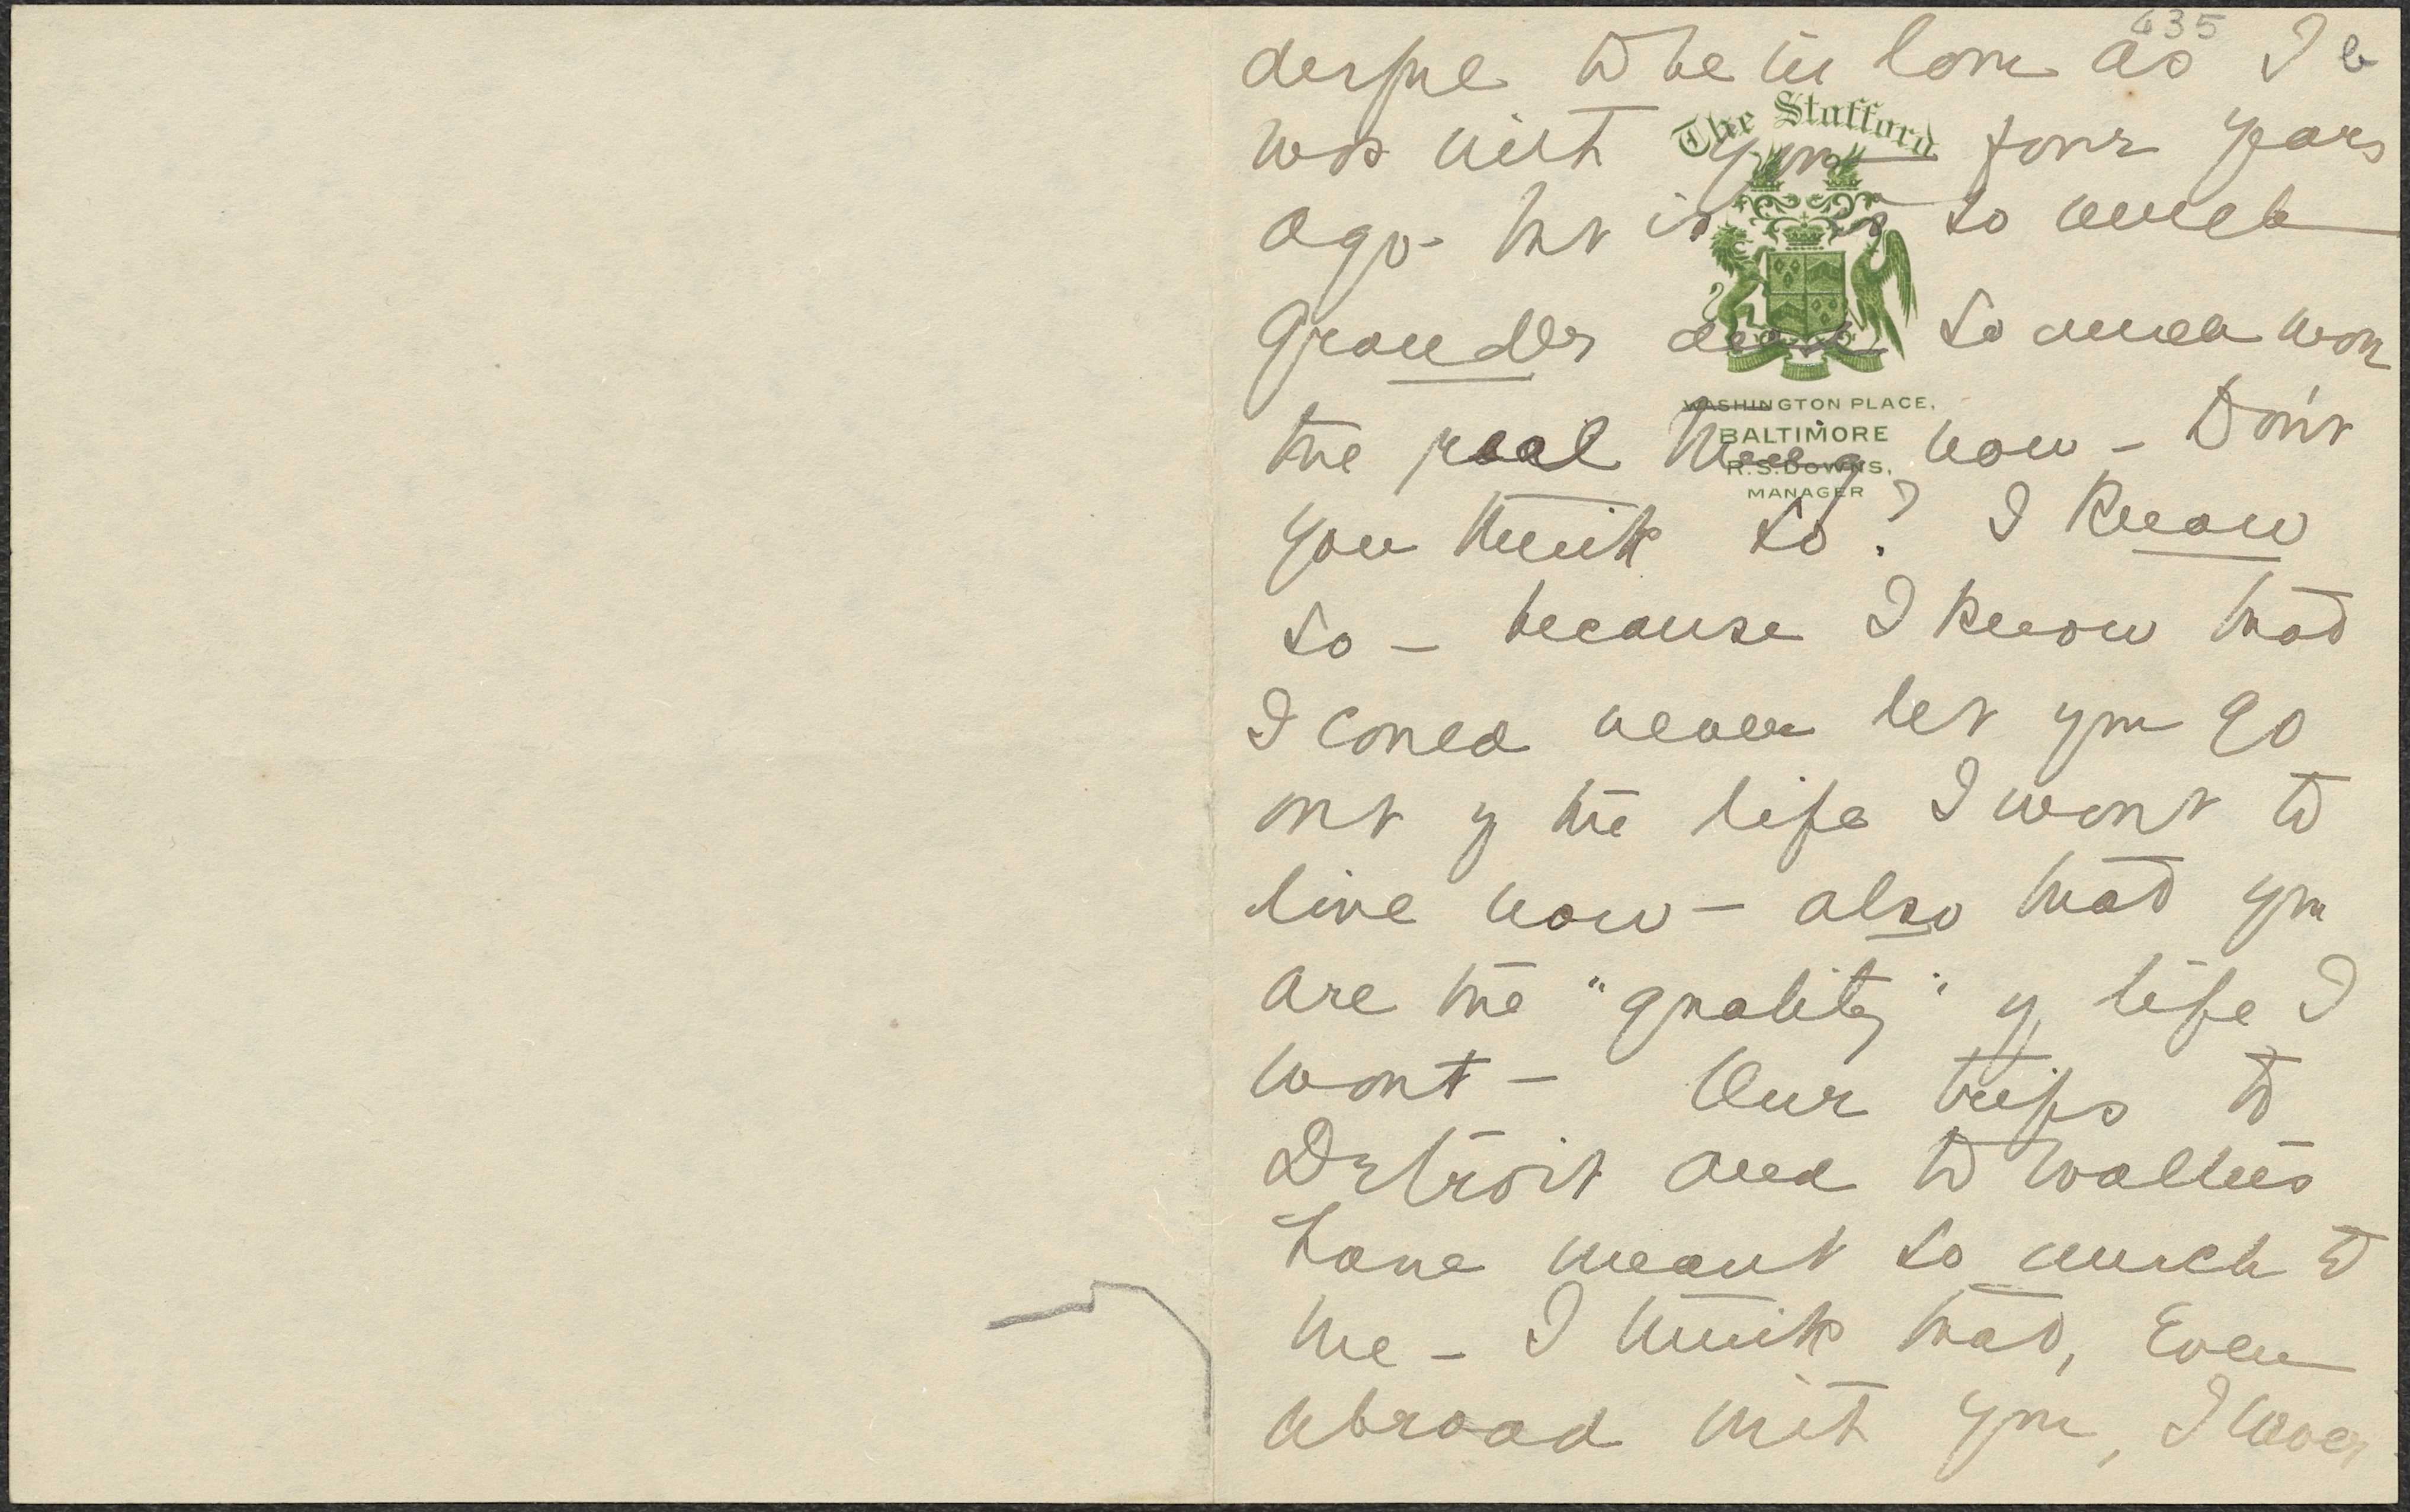derful to be in love as I was with you four years ago – but it is so much grander dear so much more the real thing now – Don’t you think so? I know so – because I know that I could never let you go out of the life I want to live now – also that you are the “quality” of life I want – Our trips to Detroit and to Walters have meant so much to me – I think that, even abroad with you, I never